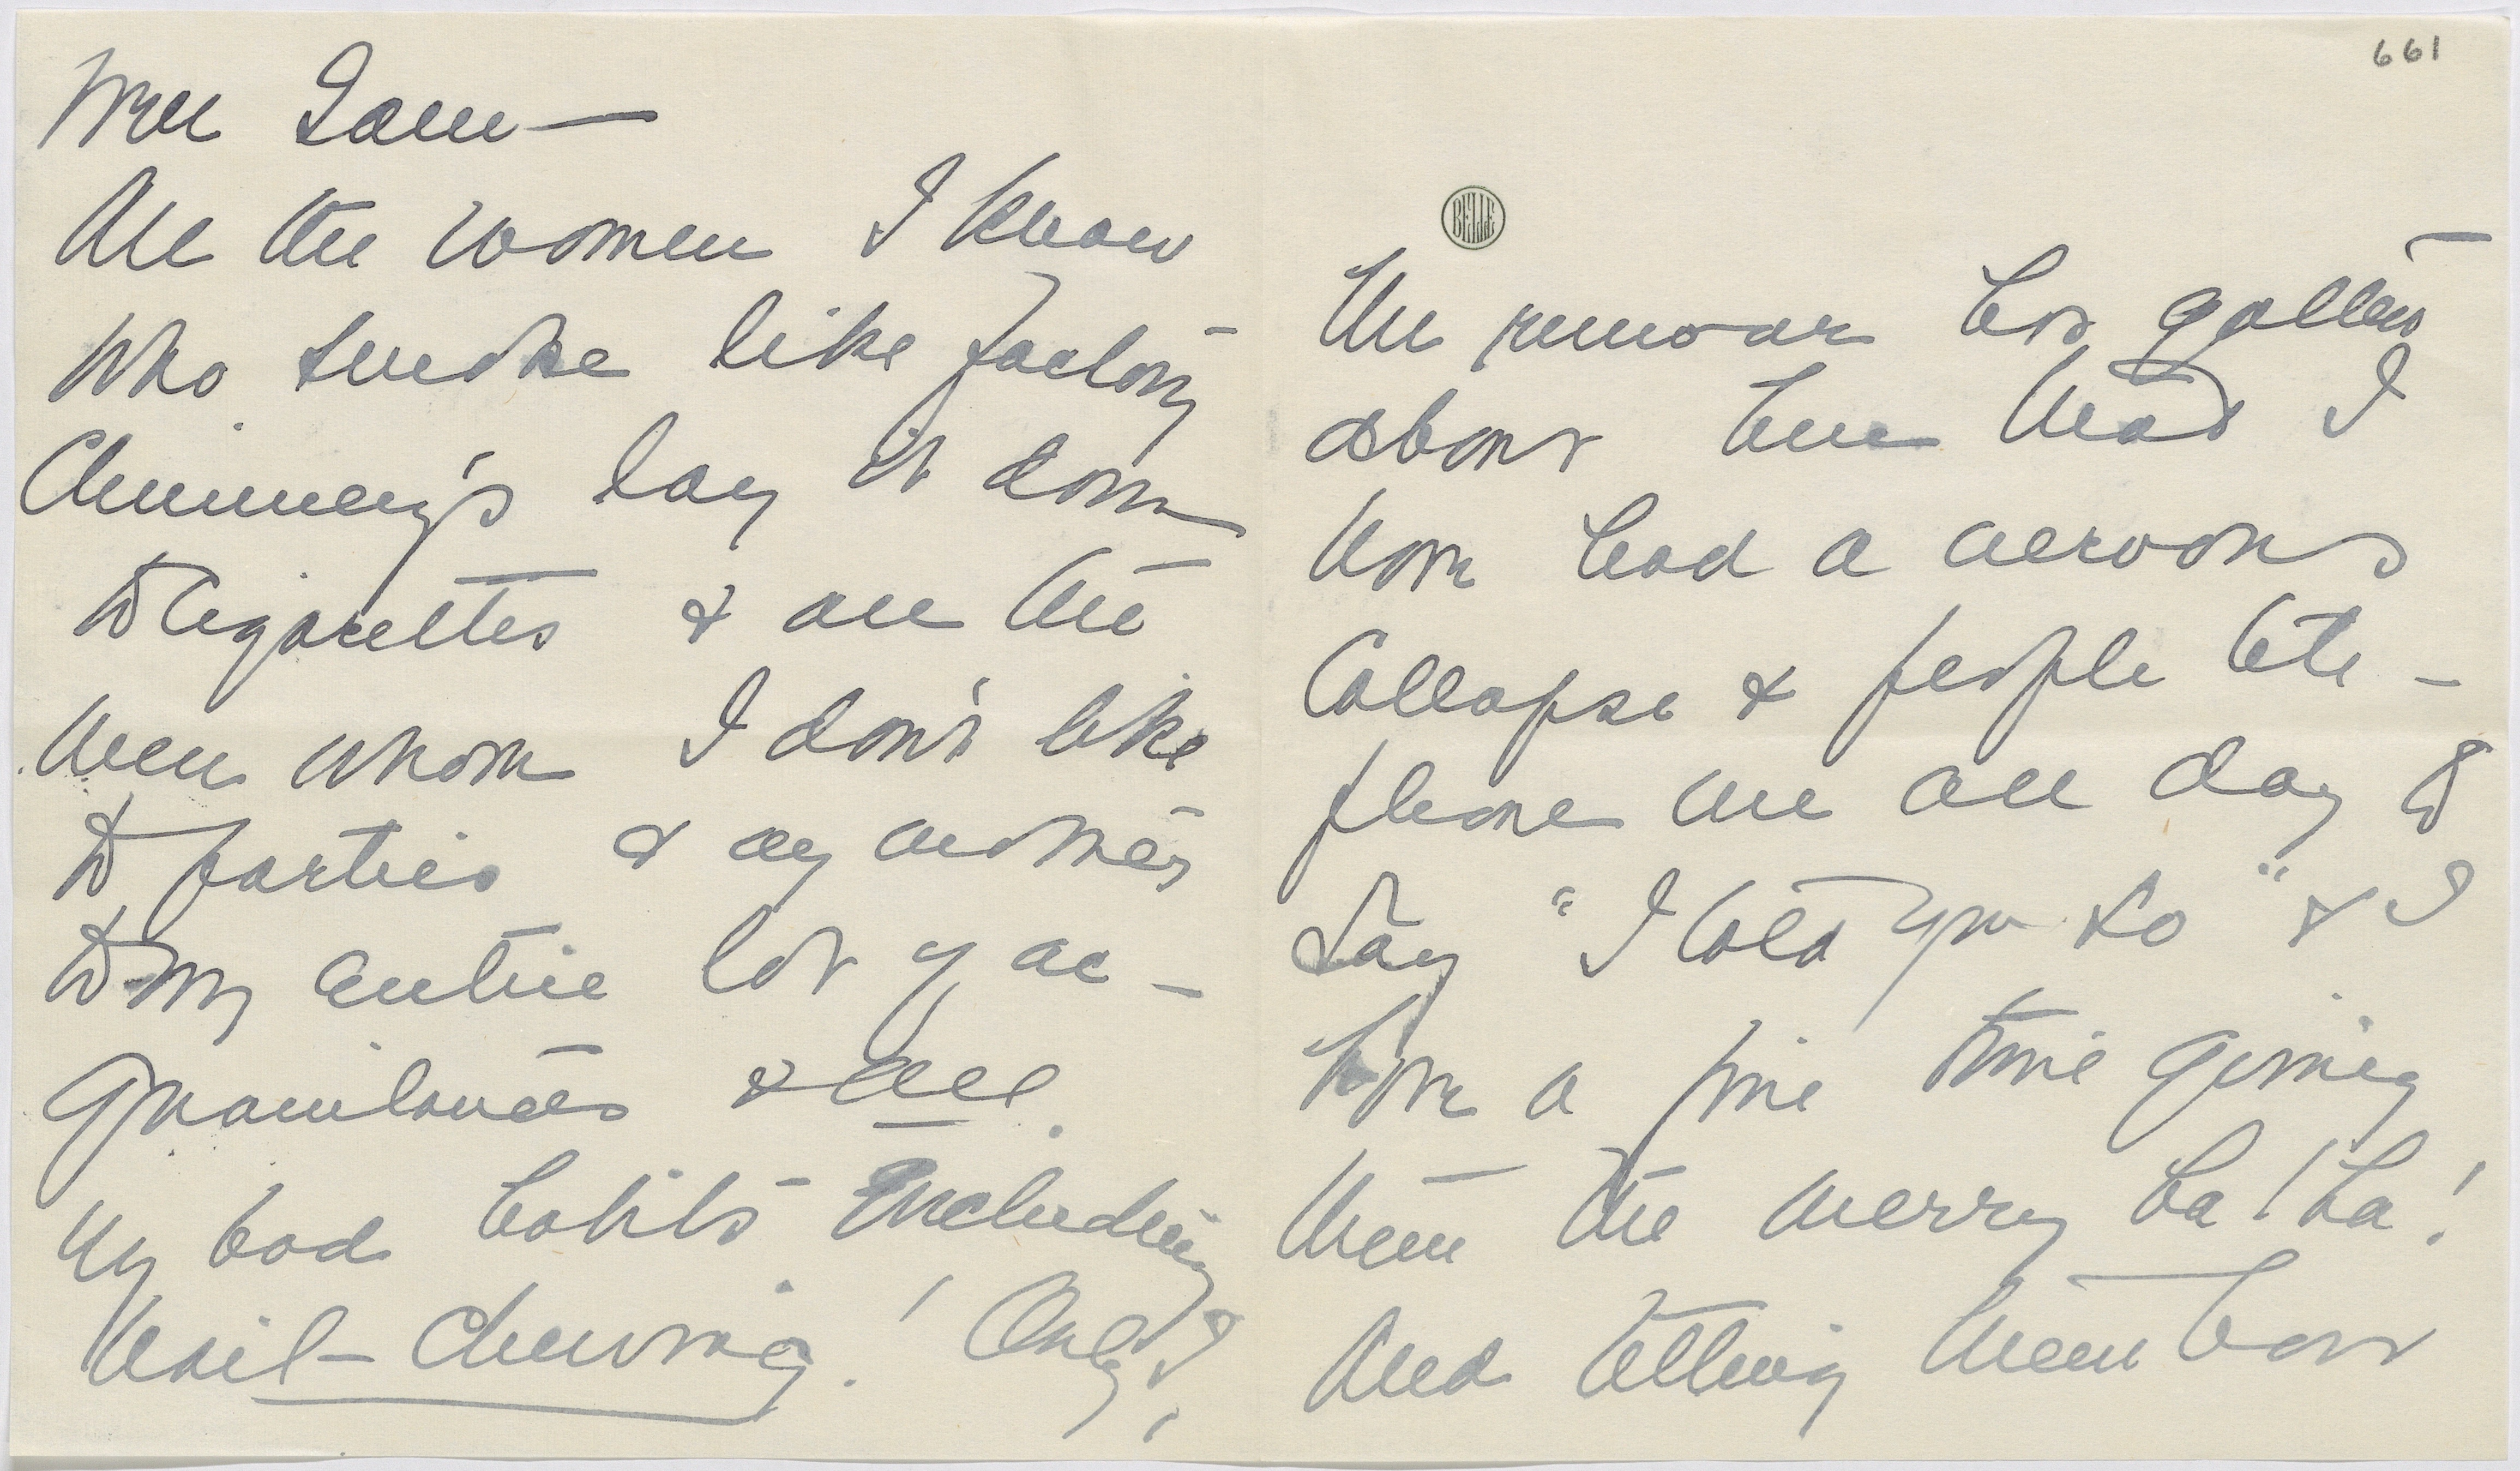The rumour has gotten about here that I have had a nervous collapse & people telephone me all day to say “I told you so” & I have a fine time giving them the merry ha! ha! and telling them how
well I am –
All the women I know who smoke like factory chimney’s [sic] lay it down to cigarettes & all the men whom I don’t like to parties & my mother to my entire lot of acquaintances & all my bad habits including nail-chewing! Only, I